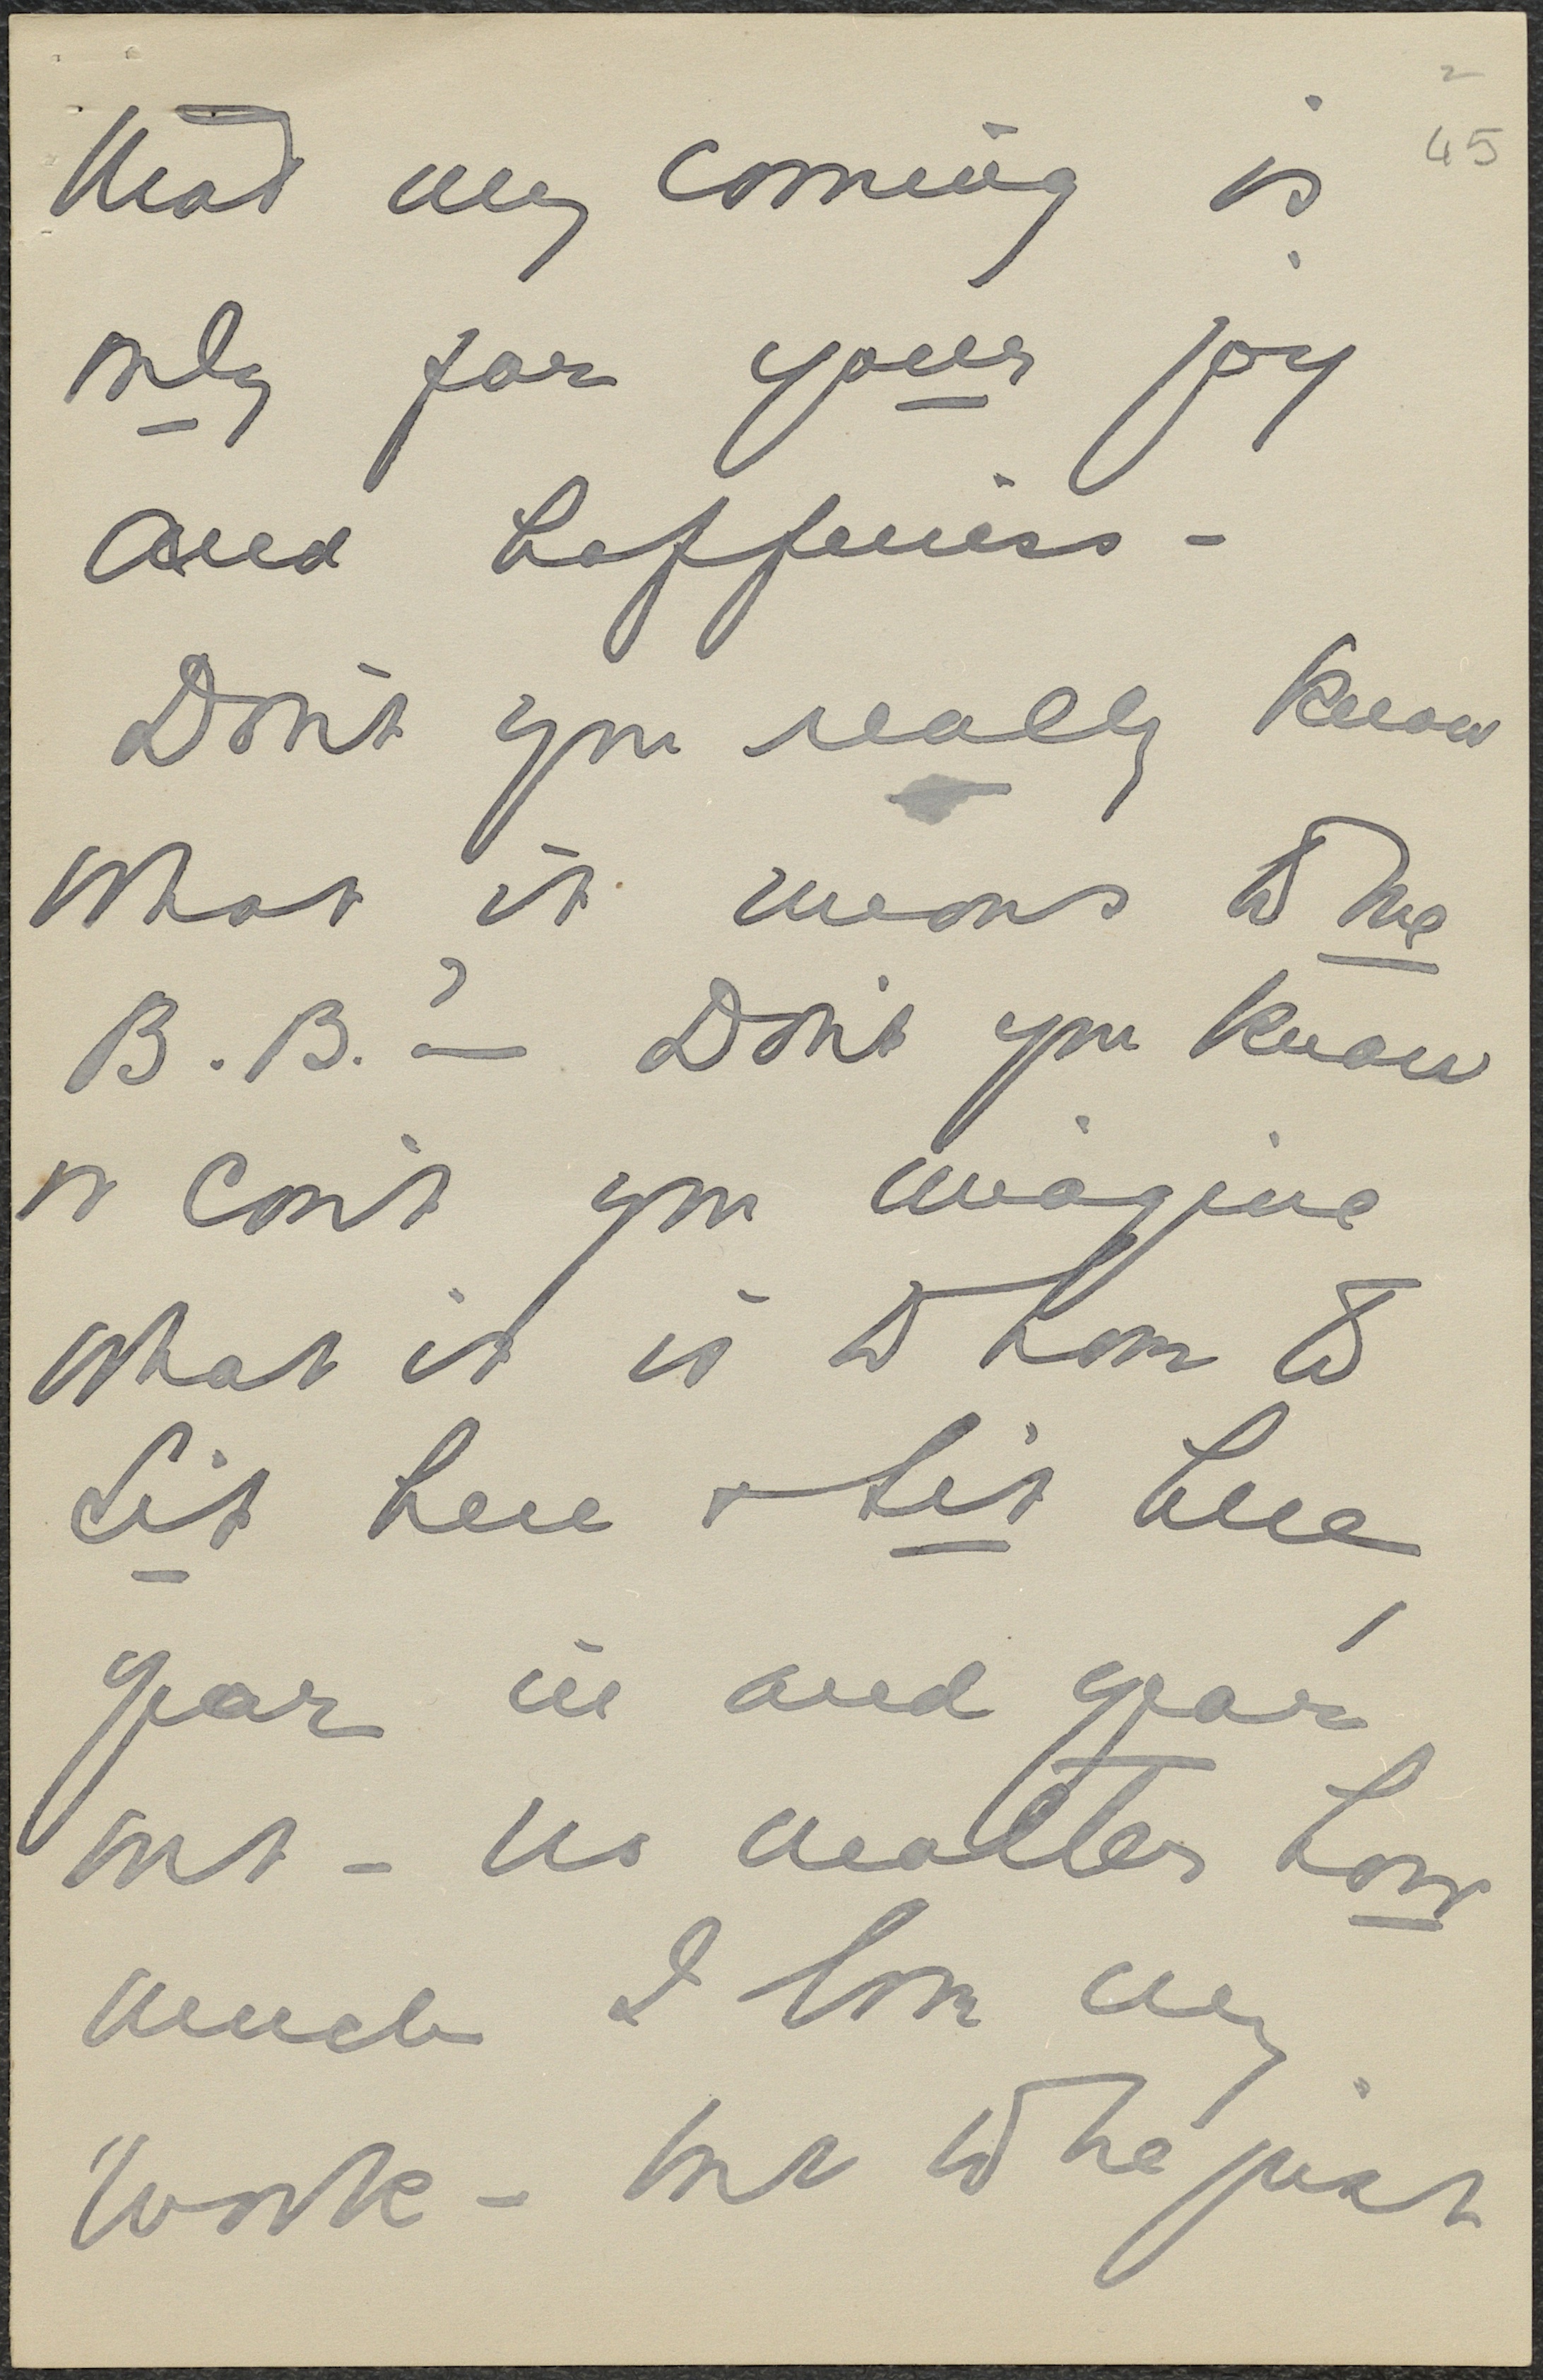that my coming is only for your joy and happiness – Don’t you really know what it means to me B. B.? – Don’t you know or can’t you imagine what it is to have to sit here & sit here, year in and year out – no matter how much I love my work – but to be just